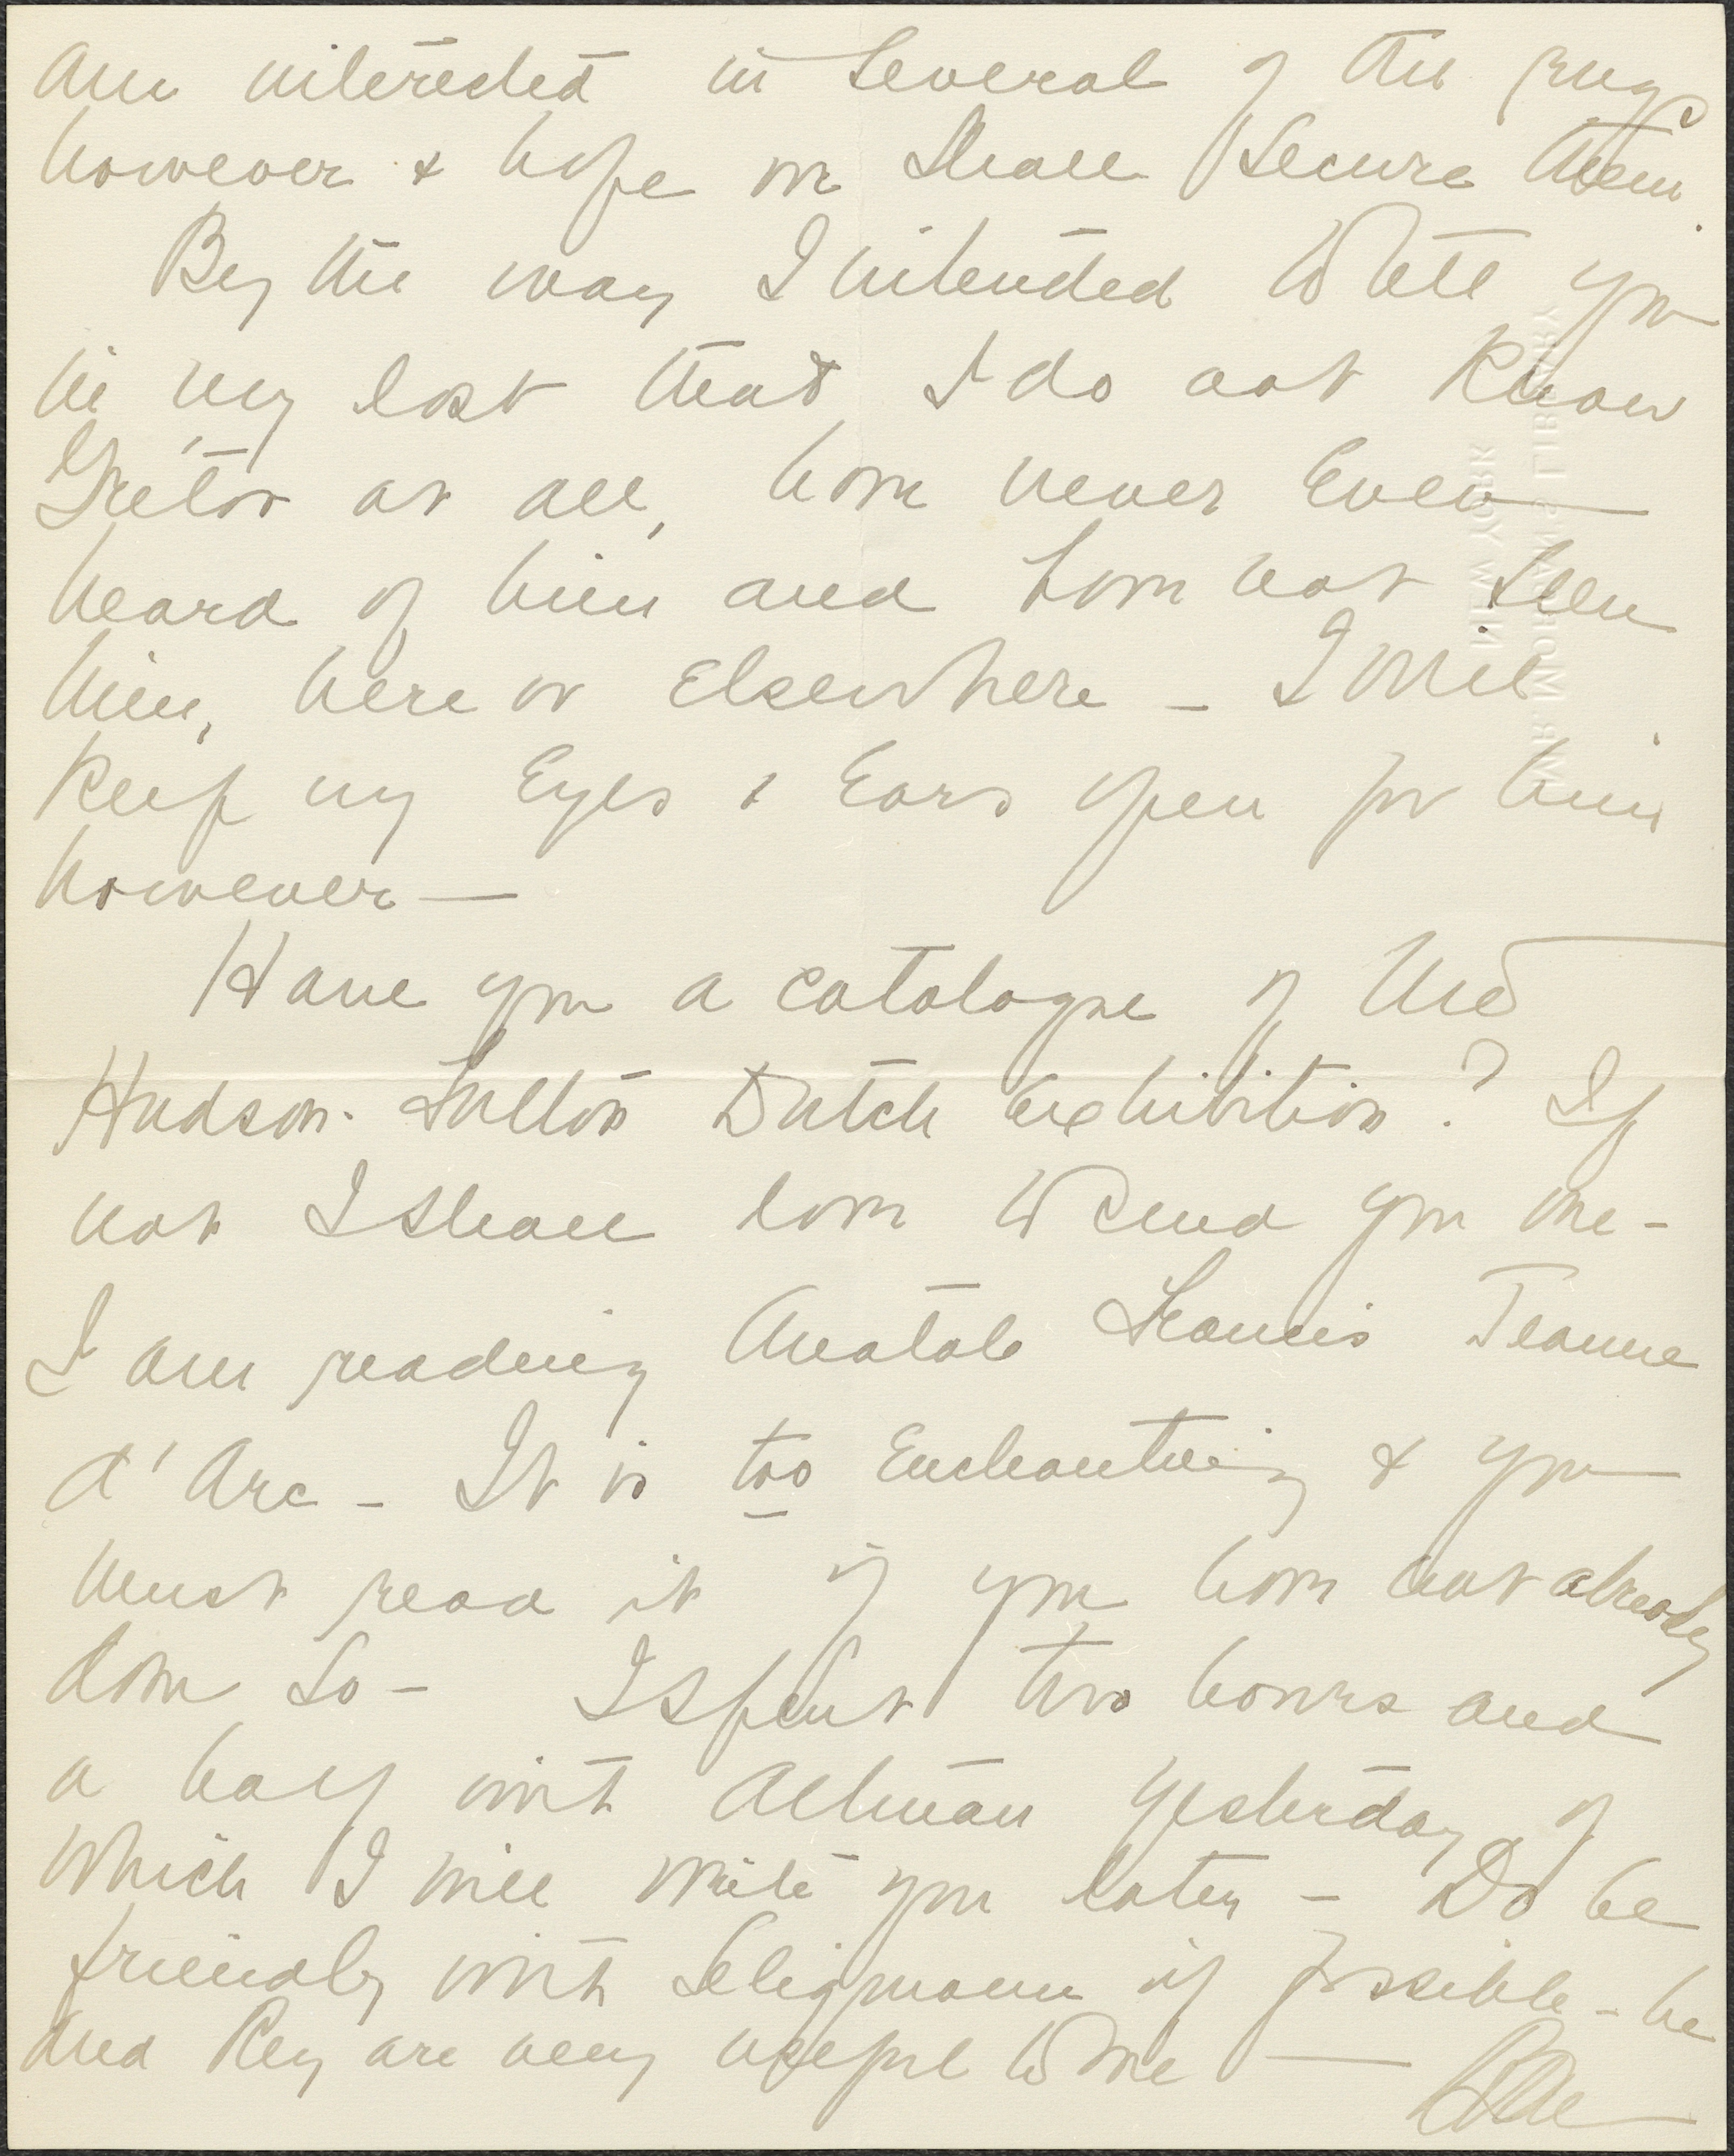am interested in several of the rugs however & hope we shall secure them.
By the way I intended to tell you in my last that I do not know Grétor at all, have never even heard of him and have not seen him, here or elsewhere – I will keep my eyes & ears open for him however –
Have you a catalogue of the Hudson-Fulton Dutch Exhibition? If not I shall love to send you one – I am reading Anatole France’s Jeanne d’Arc – It is too enchanting & you must read if you have not already done so – I spent two hours and a half with Altman yesterday of which I will write you later – Do be friendly with Seligmann if possible – he and Rey are very useful to me –
Belle